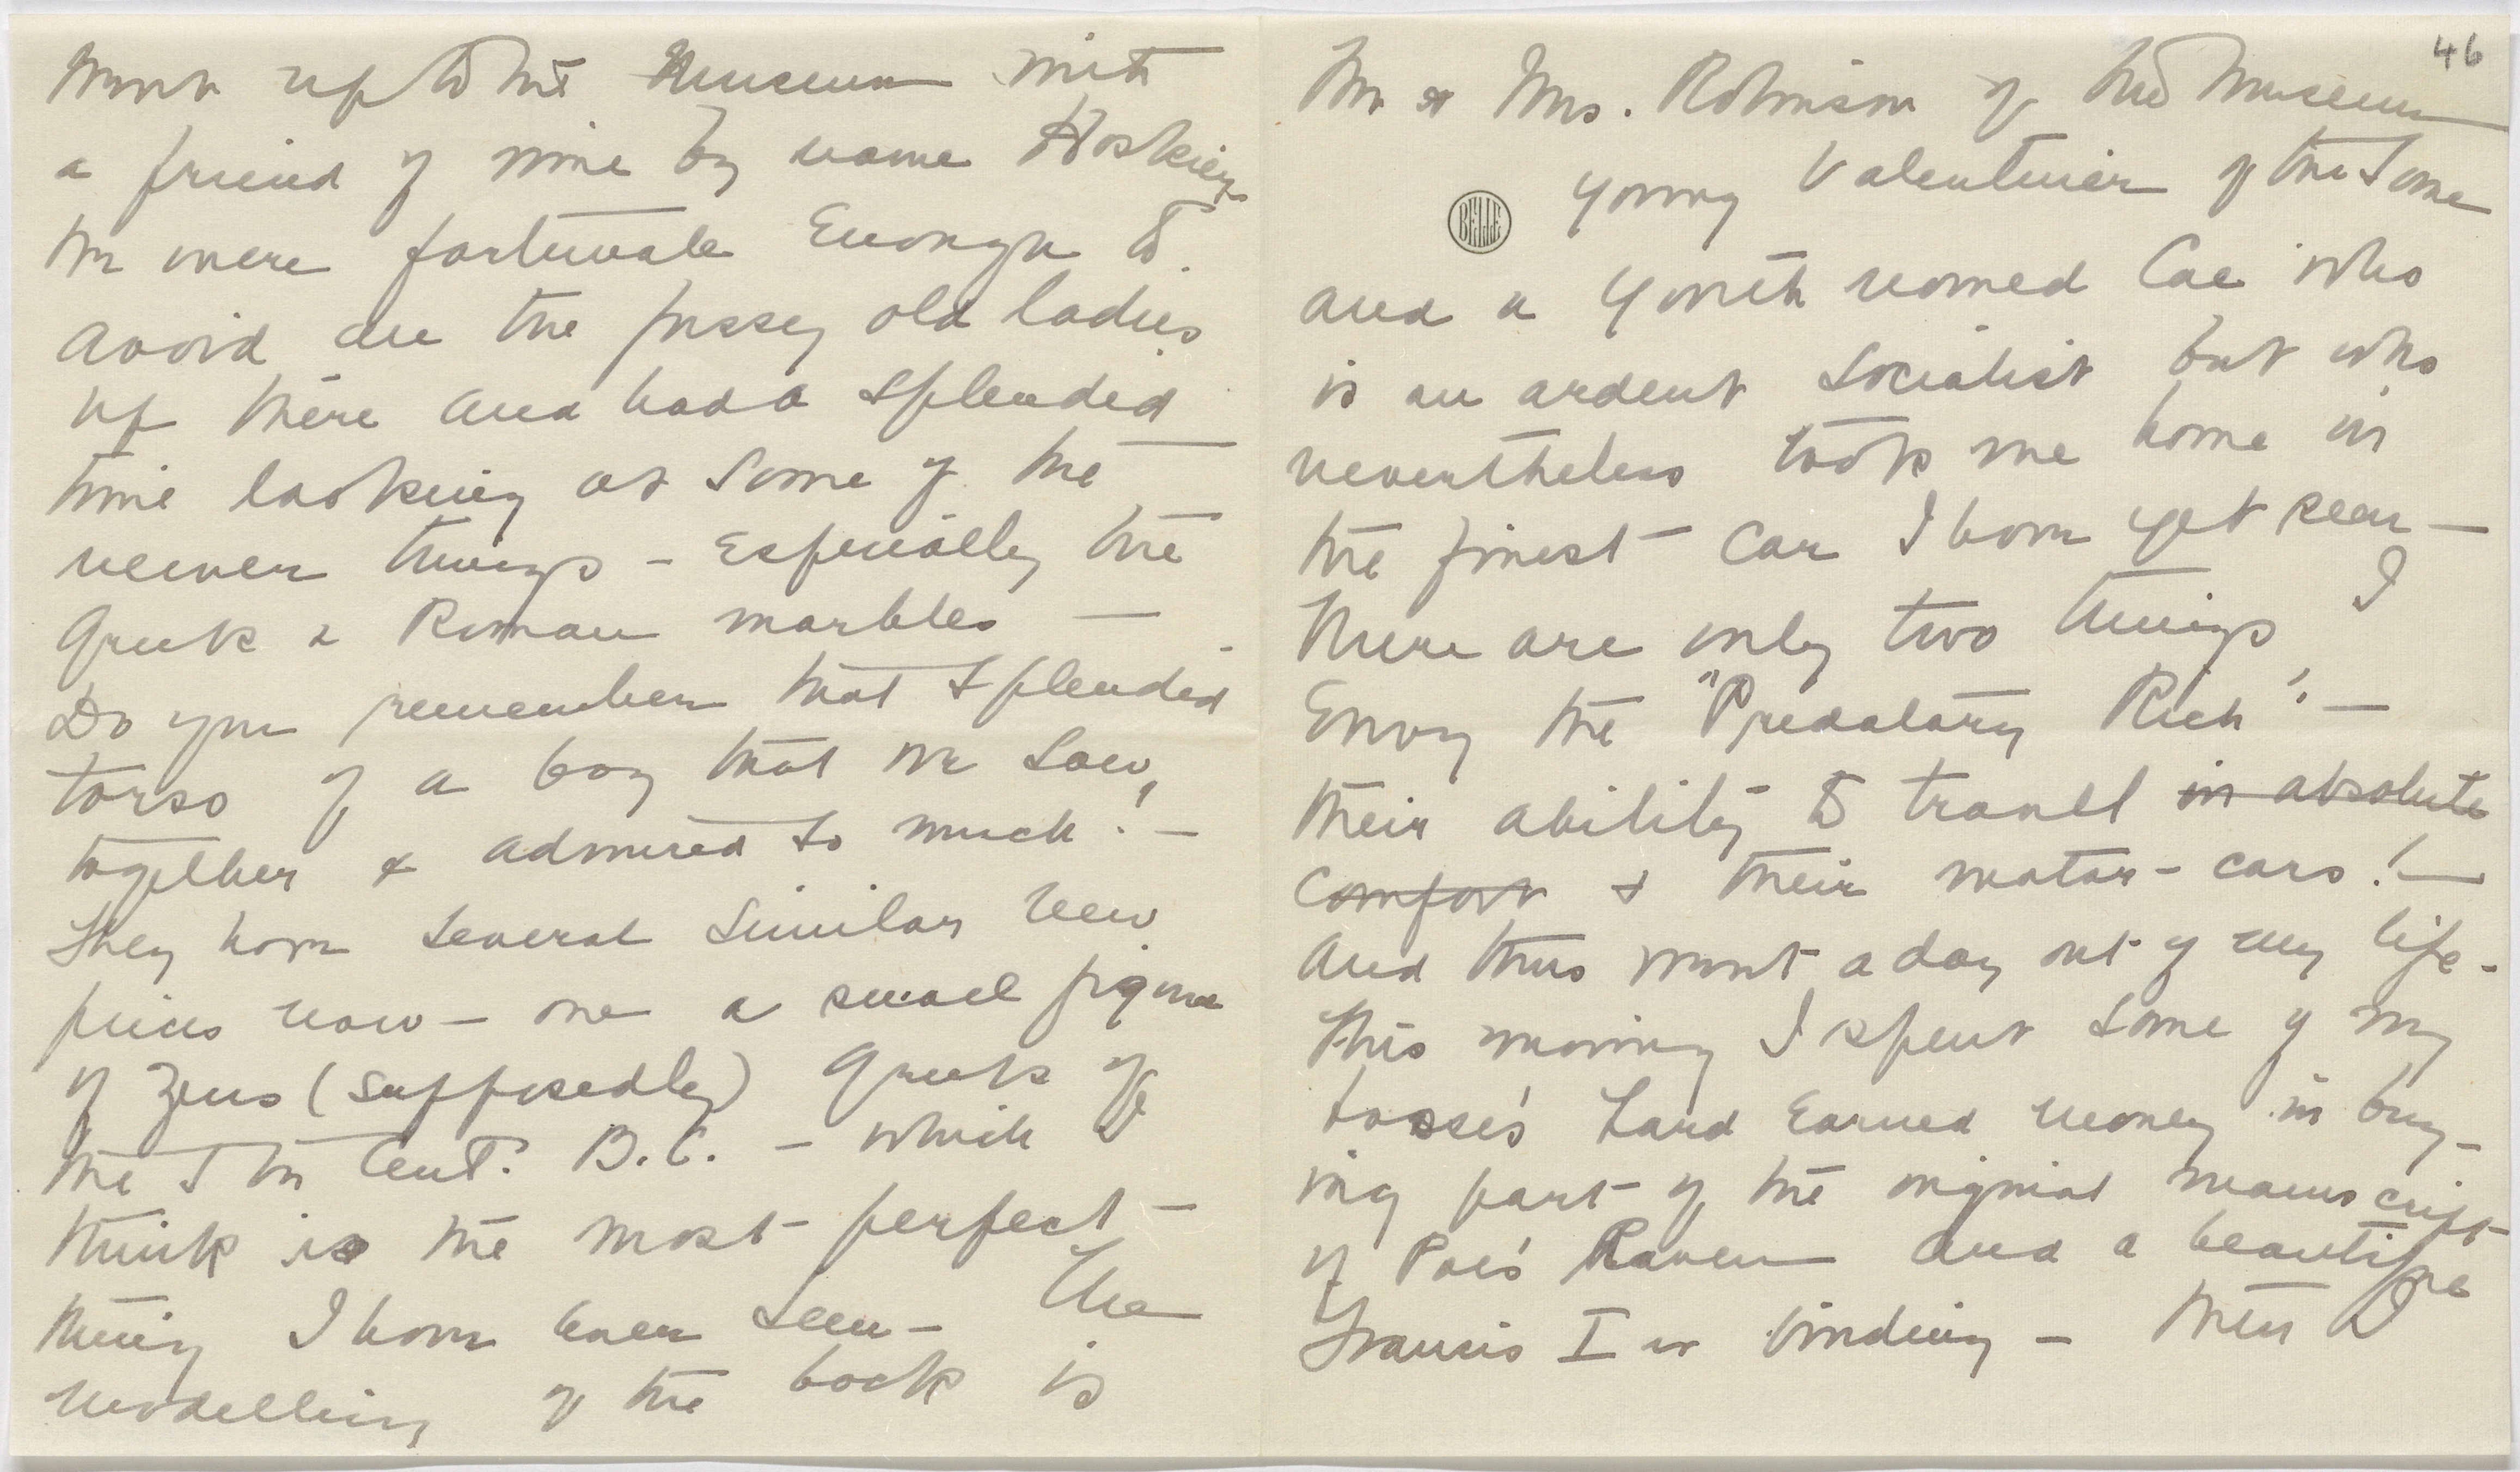Mr & Mrs. Robinson of the Museum – young Valentiner of the same and a youth named Coe who is an ardent socialist but who nevertheless took me home in the finest car I have yet seen – There are only two things I envy the “Predatory Rich” – their ability to travel in absolute comfort & their motor-cars! – And thus went a day out of my life – This morning I spent some of my bosses’ hard earned money in buying part of the original manuscript of Poe’s Raven and a beautiful Francis Ier binding – then I
went up to the Museum with a friend of mine by name Hoskier – we were fortunate enough to avoid all the fussy old ladies up there and had a splendid time looking at some of the newer things – Especially the Greek & Roman marbles – Do you remember that splendid torso of a boy that we saw together & admired so much! – They have several similar new pieces now – one a small figure of Zeus (supposedly) Greek of the 5th Cent. B. C. – which I think is the most perfect thing I have ever seen – the modelling of the back is